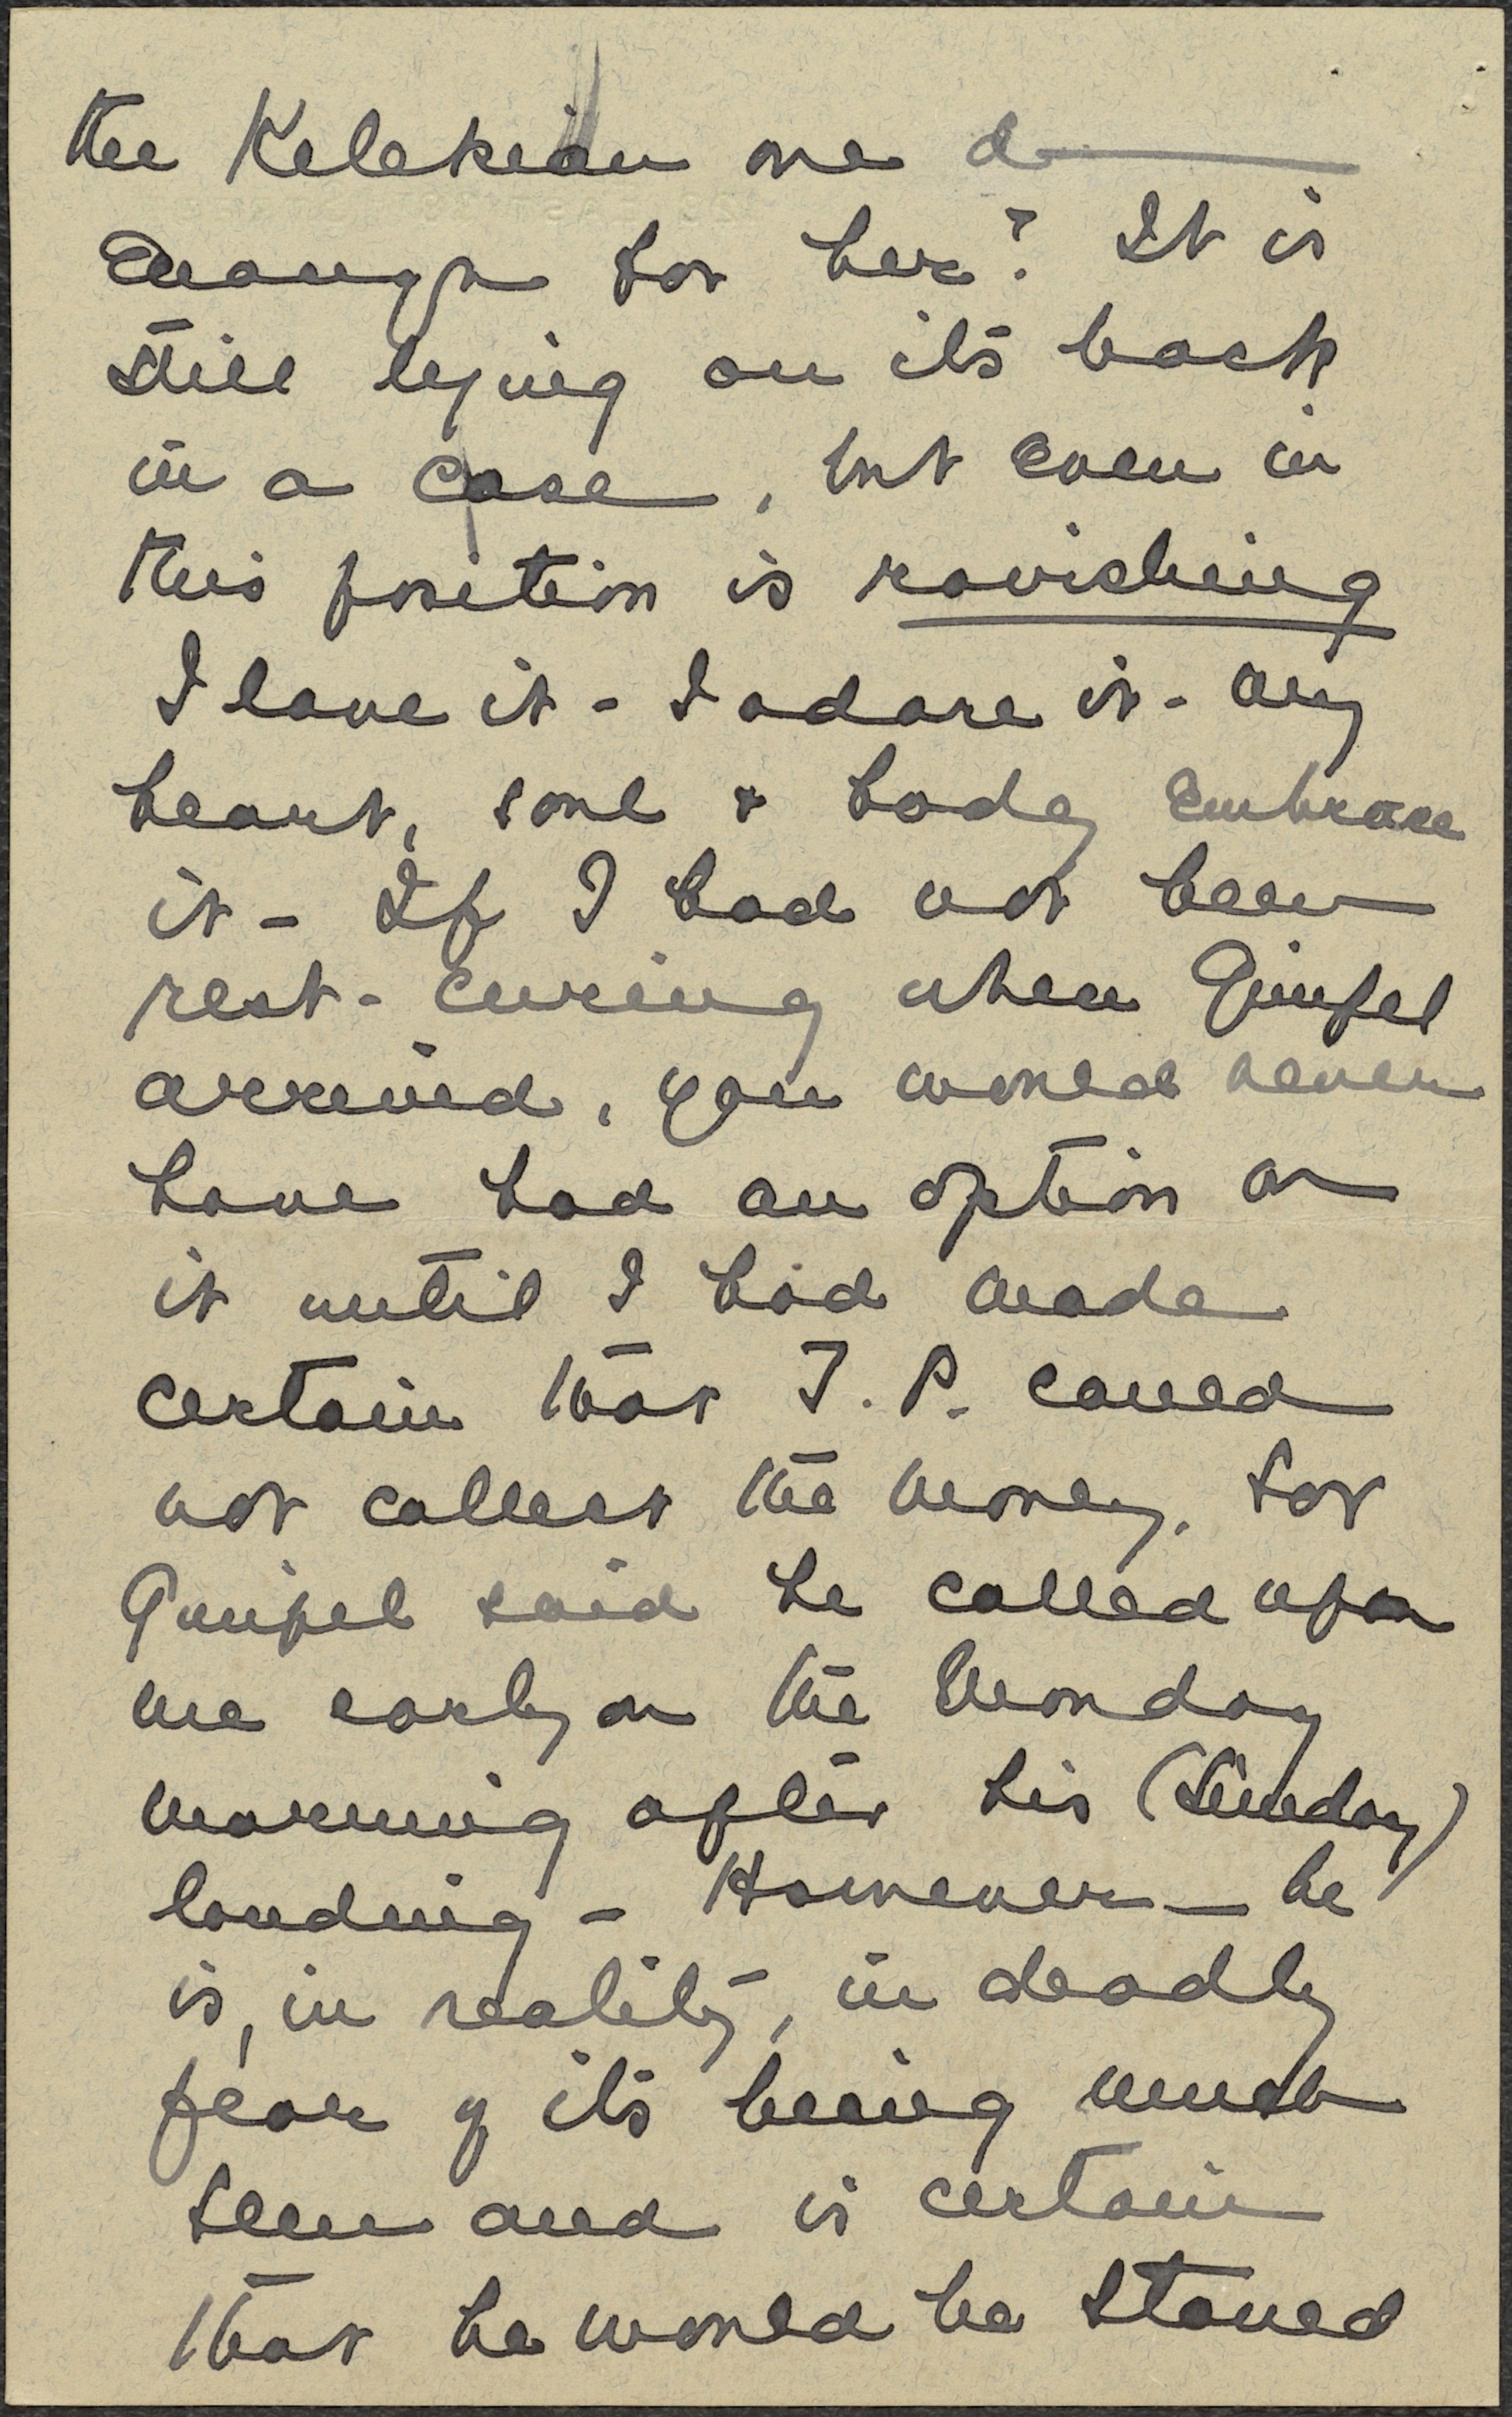the Kelekian one d– enough for her? It is still lying on its back in a case, but even in this position is ravishing I love it – I adore it – my heart, soul & body embrace it – If I had not been rest-curing when Gimpel arrived, you would never have had an option on it until I had made certain that J.P. could not collect the money, for Gimpel said he called upon me early on the Monday morning after his (Sunday) landing – However – he is, in reality, in deadly fear of its being much seen and is certain that he would be stoned